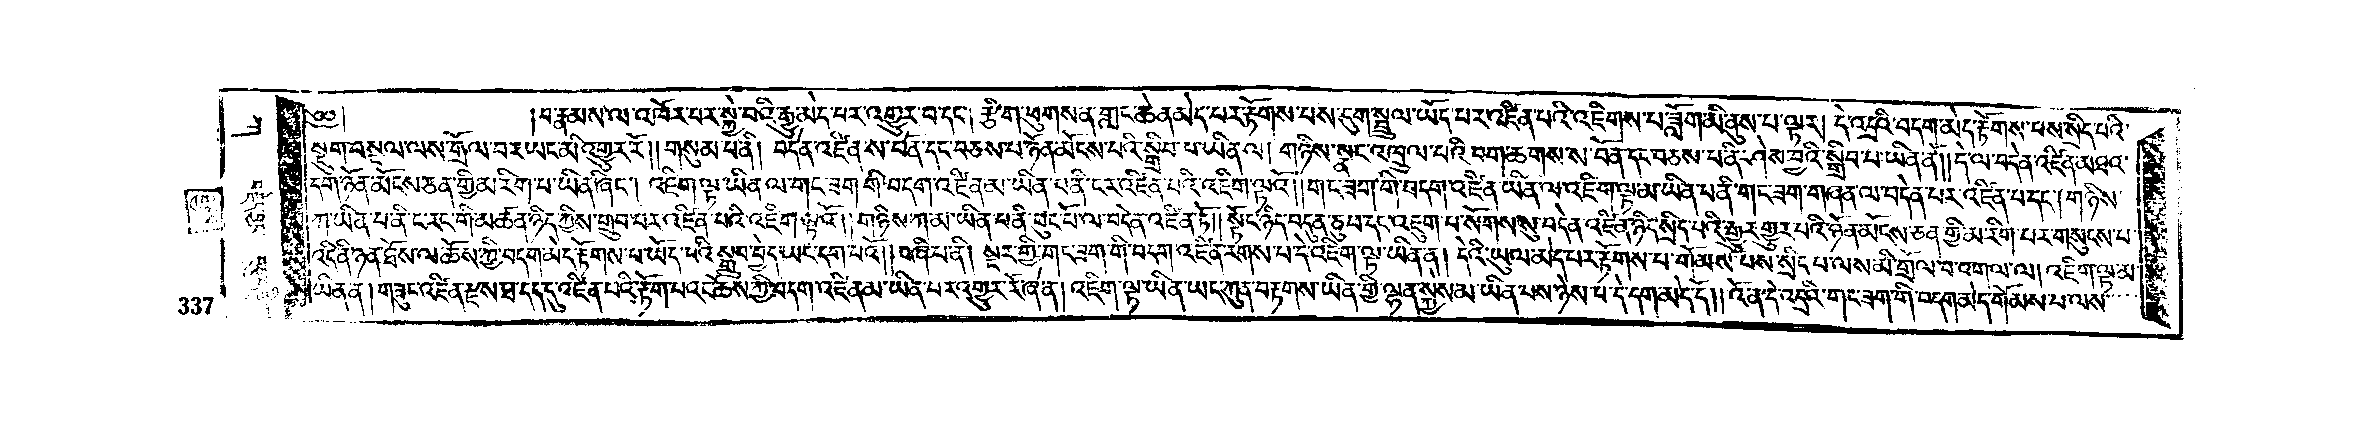༄༅། །བ་རྣམས་ལ་འཁོར་བར་སྐྱེ་བའི་རྒྱུ་མེད་པར་འགྱུར་བ་དང་། རྩིག་ཕུགས་ན་གླང་ཆེན་མེད་པར་རྟོགས་པས་དུག་སྦྲུལ་ཡོད་པར་འཛིན་པའི་འཇིགས་པ་ཟློག་མི་ནུས་པ་ལྟར། དེ་འདྲའི་བདག་མེད་རྟོགས་པས་སྲིད་པའི་
སྡུག་བསྔལ་ལས་གྲོལ་བར་ཡང་མི་འགྱུར་རོ། །གསུམ་པ་ནི། བདེན་འཛིན་ས་བོན་དང་བཅས་པ་ཉོན་མོངས་པའི་སྒྲིབ་པ་ཡིན་ལ། གཉིས་སྣང་འཁྲུལ་པའི་བག་ཆགས་ས་བོན་དང་བཅས་པ་ནི་ཤེས་བྱའི་སྒྲིབ་པ་ཡིན་ནོ། །དེ་ལ་བདེན་འཛིན་མཐའ་
དག་ཉོན་མོངས་ཅན་གྱི་མ་རིག་པ་ཡིན་ཞིང་། འཇིག་ལྟ་ཡིན་ལ་གང་ཟག་གི་བདག་འཛིན་མ་ཡིན་པ་ནི་ངར་འཛིན་པའི་འཇིག་ལྟའོ། །གང་ཟག་གི་བདག་འཛིན་ཡིན་ལ་འཇིག་ལྟ་མ་ཡིན་པ་ནི་གང་ཟག་གཞན་ལ་བདེན་པར་འཛིན་པ་དང་། གཉིས་
ཀ་ཡིན་པ་ནི་ང་རང་གི་མཚན་ཉིད་ཀྱིས་གྲུབ་པར་འཛིན་པའི་འཇིག་ལྟའོ། །གཉིས་ཀ་མ་ཡིན་པ་ནི་ཕུང་པོ་ལ་བདེན་འཛིན་ཏོ། །སྟོང་ཉིད་བདུན་ཅུ་པ་དང་འཇུག་པ་སོགས་སུ་བདེན་འཛིན་ཉིད་སྲིད་པའི་རྒྱུར་གྱུར་པའི་ཉོན་མོངས་ཅན་གྱི་མ་རིག་པར་གསུངས་པ་
འདི་ནི་ཉན་ཐོས་ལ་ཆོས་ཀྱི་བདག་མེད་རྟོགས་པ་ཡོད་པའི་སྒྲུབ་བྱེད་ཡང་དག་པའོ། །བཞི་པ་ནི། སྔར་གྱི་གང་ཟག་གི་བདག་འཛིན་རགས་པ་དེ་འཇིག་ལྟ་ཡིན་ན། དེའི་ཡུལ་མེད་པར་རྟོགས་པ་གོམས་པས་སྲིད་པ་ལས་མི་གྲོལ་བ་འགལ་ལ། འཇིག་ལྟ་མ་
ཡིན་ན། གཟུང་འཛིན་རྫས་ཐ་དད་དུ་འཛིན་པའི་རྟོག་པའང་ཆོས་ཀྱི་བདག་འཛིན་མ་ཡིན་པར་འགྱུར་རོ་ཞེ་ན། འཇིག་ལྟ་ཡིན་ཡང་ཀུན་བརྟགས་ཡིན་གྱི་ལྷན་སྐྱེས་མ་ཡིན་པས་ཉེས་པ་དེ་དག་མེད་དོ། །འོ་ན་དེ་འདྲའི་གང་ཟག་གི་བདག་མེད་གོམས་པ་ལས་